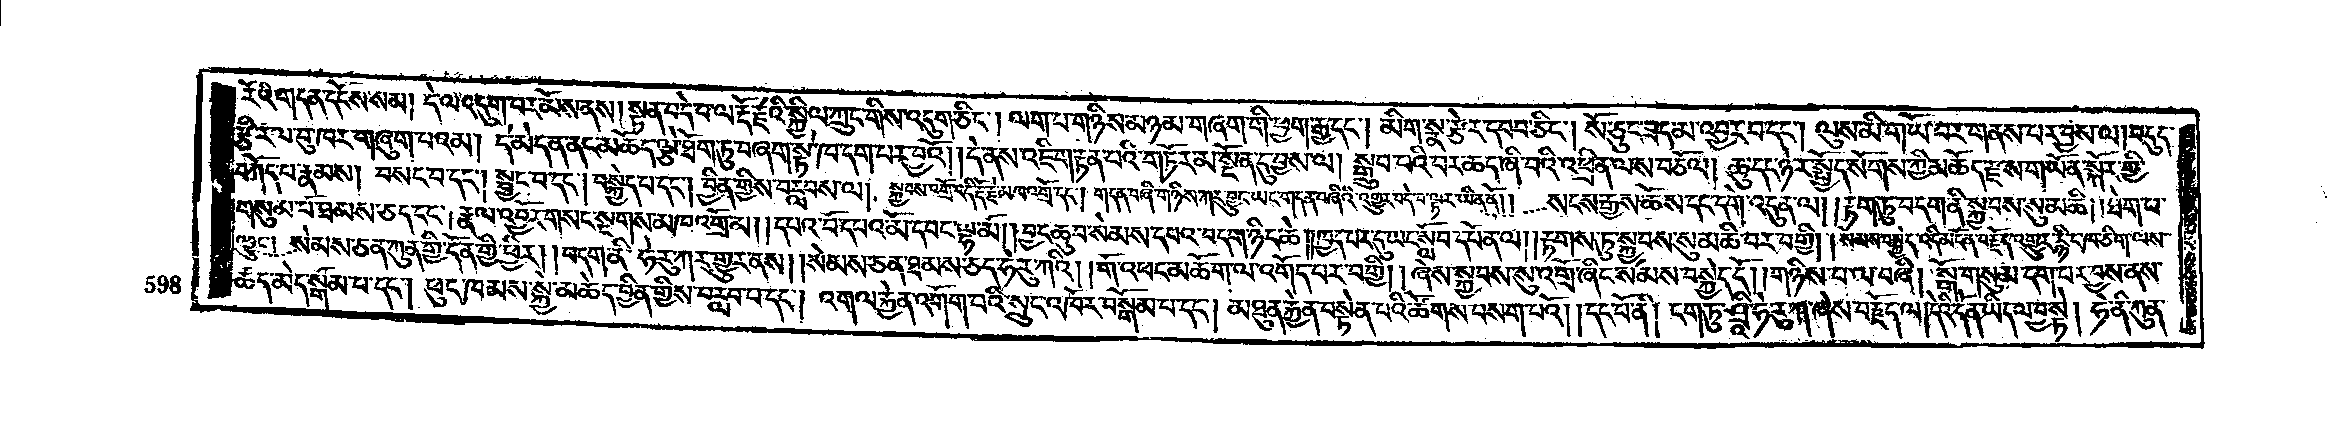རོའི་གདན་དངོས་སམ། དེ་ལ་འདུག་པར་མོས་ནས། སྟན་བདེ་བ་ལ་རྡོ་རྗེའི་སྐྱིལ་ཀྲུང་གིས་འདུག་ཅིང་། ལག་པ་གཉིས་མཉམ་གཞག་གི་ཕྱག་རྒྱ་དང་། མིག་སྣ་རྩེར་དབབ་ཅིང་། སོ་ཅུང་ཟད་མ་འབྱར་བ་དང་། ལུས་མི་གཡོ་བར་གནས་པར་བྱས་ལ། བདུད་
རྩི་རལ་?་བུ་ཁར་གཞུག་པའམ། དེ་མེད་ན་ནང་མཆོད་ལྕེ་ཐོག་ཏུ་བཞག་སྟེ་ཁ་དག་པར་བྱའོ། །དེ་ནས་འཇིག་རྟེན་པའི་གཏོར་མ་སྔོན་དུ་བྱས་ལ། སྒྲུབ་པའི་བར་ཆད་ཞི་བའི་འཕྲིན་ལས་བཅོལ། ཆུ་དང་ཉེར་སྤྱོད་སོགས་ཀྱི་མཆོད་རྫས་གཡོན་སྐོར་གྱི་
བཀོད་པ་རྣམས། བསང་བ་དང་། སྦྱང་བ་དང་། བསྐྱེད་པ་དང་། བྱིན་གྱིས་བརླབས་ལ། སྐྱབས་འགྲོ་འདི་རྡོ་རྗེ་མཁའ་འགྲོ་དང་། གདན་བཞི་གཉིས་ཀར་བྱུང་ཡང་གདན་བཞིའི་འགྱུར་བདེ་བ་ལྟར་ཡིན་ནོ། ། སངས་རྒྱས་ཆོས་དང་དགེ་འདུན་ལ། །རྟག་ཏུ་བདག་ནི་སྐྱབས་སུ་མཆི། །ཐེག་པ་
གསུམ་པ་ཐམས་ཅད་དང་། རྣལ་འབྱོར་གསང་སྔགས་མཁའ་འགྲོ་མ། །དཔའ་བོ་དཔའ་མོ་དབང་ལྷ་མོ། །བྱང་ཆུབ་སེམས་དཔའ་བདག་ཉིད་ཆེ། །ཁྱད་པར་དུ་ཡང་སློབ་དཔོན་ལ། །རྟགས་ཏུ་སྐྱབས་སུ་མཆི་བར་བགྱི། །སེམས་བསྐྱེད་འདི་མངོན་བརྗོད་འགྱུར་རྙིང་ཁ་ཅིག་ལས་
འབྱུང་། སེམས་ཅན་ཀུན་གྱི་དོན་གྱི་ཕྱིར། །བདག་ནི་ཧེ་རུ་ཀར་གྱུར་ནས། །སེམས་ཅན་ཐམས་ཅད་ཧེ་རུ་ཀའི། །གོ་འཕང་མཆོག་ལ་འགོད་པར་བགྱི། །ཞེས་སྐྱབས་སུ་འགྲོ་ཞིང་སེམས་བསྐྱེད་དོ། །གཉིས་པ་ལ་བཞི། སྒོ་གསུམ་དག་པར་བྱས་ནས་
ཚད་མེད་སྒོམ་པ་དང་། ཕུང་ཁམས་སྐྱེ་མཆེད་བྱིན་གྱིས་བརླབ་པ་དང་། འགལ་རྐྱེན་འགོག་པའི་སྲུང་འཁོར་བསྒོམ་པ་དང་། མཐུན་རྐྱེན་བསྟེན་པའི་ཚོགས་བསག་པའོ། །དང་པོ་ནི། ངག་ཏུ་ཤྲཱི་ཧེ་རུ་ཀ་ཞེས་བརྗོད་ལ། དེའི་དོན་ཡིད་ལ་བྱ་སྟེ། ཧེ་ནི་ཀུན་